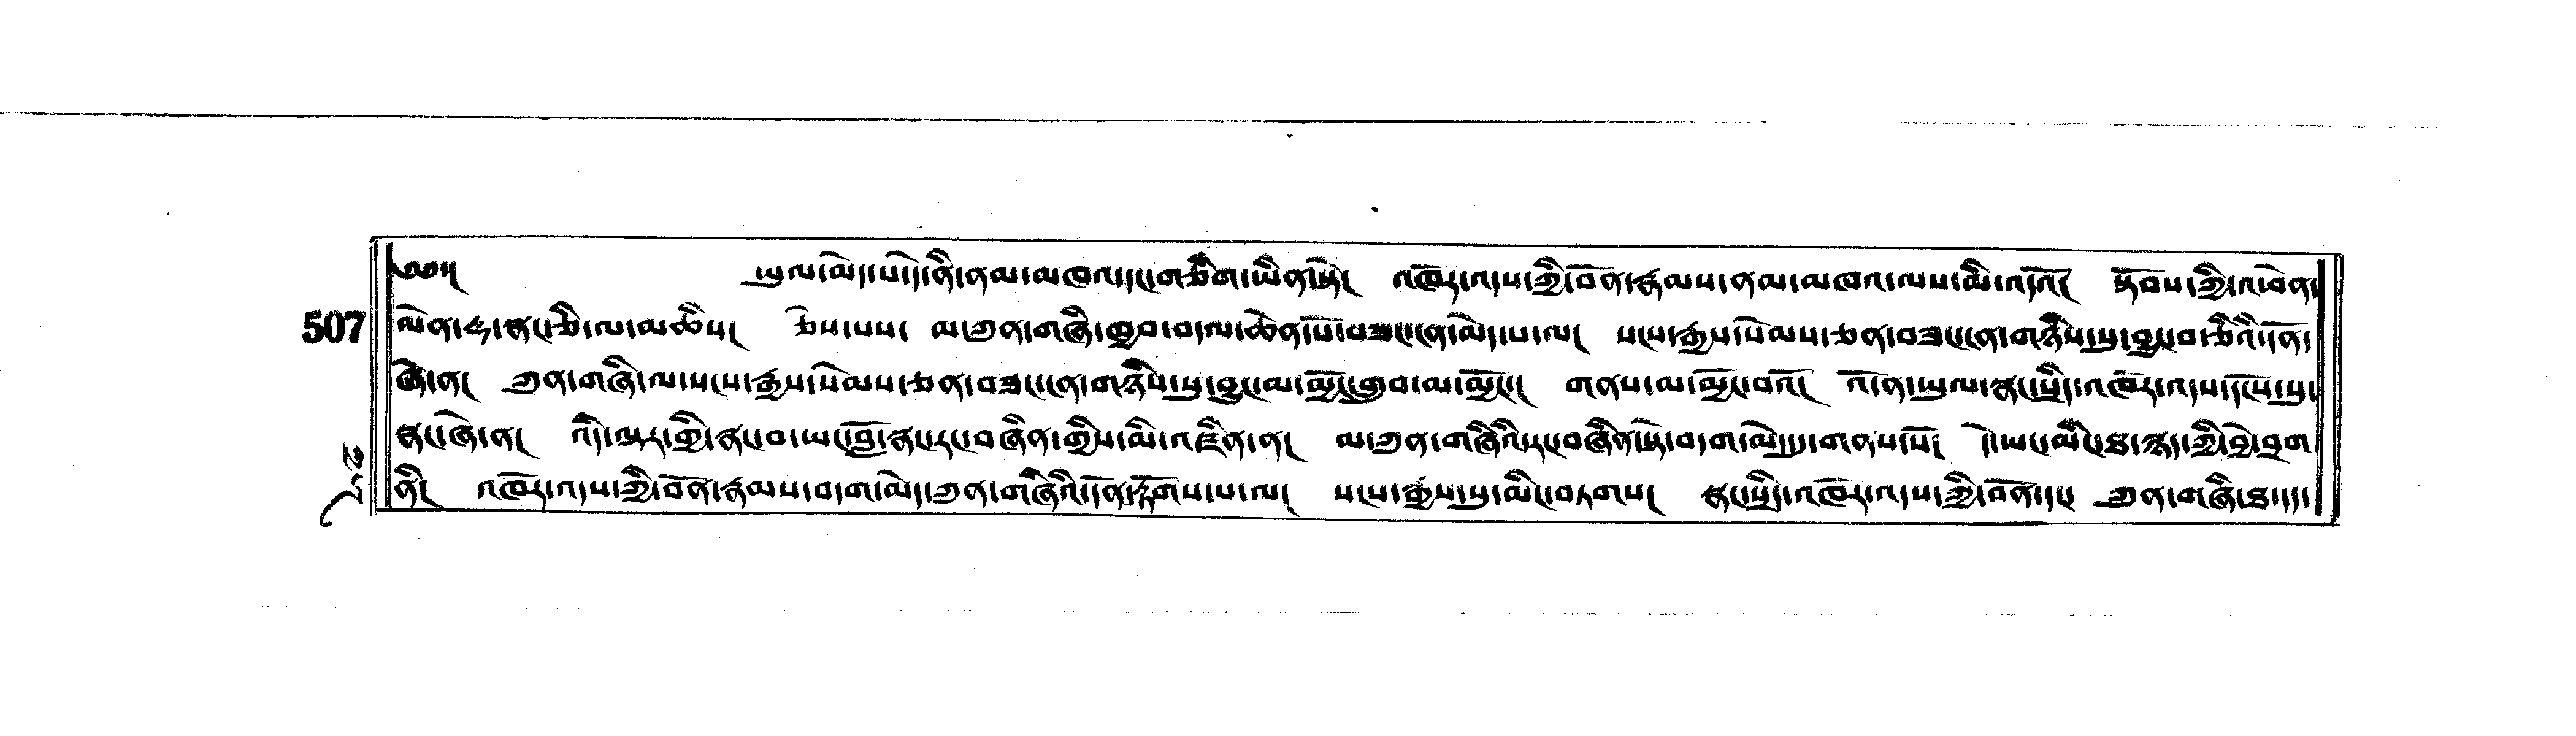ཡུལ་མེད་པ་དེ་ནི་ནམ་མཁའ་དང་གཅིག་ཡིན་ཏེ། འཁོར་འདས་ཀྱི་བོན་རྣམས་ནམ་མཁའ་ལས་མི་འདའ་འོ། སྟོབས་ཀྱི་འཕེན་
ལས་བརྡ་སྣང་ཅི་ལ་མཆིས། ཅེས་པས། མ་ཀུན་གཞི་ཁྱབ་བདལ་ཆེན་པོ་བཟང་ངན་མེད་པ་ལ། སངས་རྒྱས་སེམས་ཅན་བཟང་ངན་གཉིས་སུ་བྱུང་བ་ཅིའི་དོན་
ཞེ་ན། ཀུན་གཞི་ལ་སངས་རྒྱས་སེམས་ཅན་བཟང་ངན་གཉིས་སུ་བྱུང་མ་མྱོང་། གྲུབ་མ་མྱོང་། གནས་མ་མྱོང་བའོ། འོ་ན་ཡུལ་སྣང་སྲིད་འཁོར་འདས་དངོས་སུ་
སྣང་ཞེ་ན། འདི་ལྟར་གྱི་སྣང་བ་ཡང་བློ་སྣང་རང་བཞིན་གྱིས་མི་འཛིན་ན། མ་ཀུན་གཞིའི་རང་བཞིན་ཏེ་བདག་མེད་དུ་གནས་སོ། དེ་ཡང་མིང་ཐ་སྙད་ཀྱི་བྱེ་བྲག་
ནི། འཁོར་འདས་ཀྱི་བོན་རྣམས་བདག་མེད་ཀུན་གཞིའི་དོན་རྟོགས་པ་ལ། སངས་རྒྱས་སུ་མིང་བཏགས། སྣང་སྲིད་འཁོར་འདས་ཀྱི་བོན་དང་། ཀུན་གཞི་ཐ་དད་